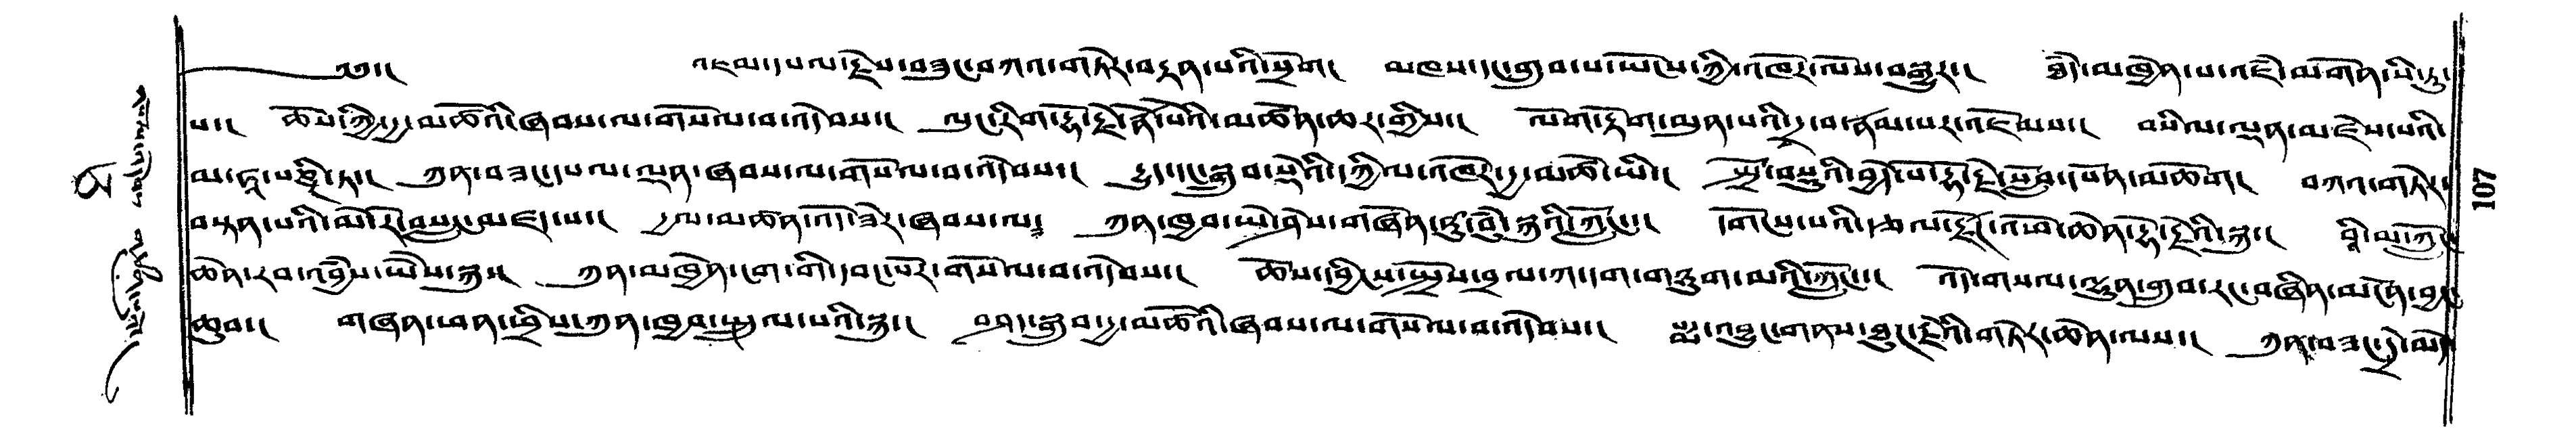༄༅། འཇམ་དཔལ་རྗེས་བཟུང་བཀའ་གཏེར་བསྟན་པའི་སྲོག །མཁས་དང་གྲུབ་པ་ཡོངས་ཀྱི་འཁོར་ལོས་བསྒྱུར། །ཐམས་ཅད་མཁྱེན་པ་འཇམ་མགོན་སི་ཏུ་
པ། །ཆོས་ཀྱི་རྒྱ་མཚོའི་ཞབས་ལ་གསོལ་བ་འདེབས། །ལུང་རིགས་རྡོ་རྗེ་རྣོན་པོའི་མཚོན་ཆར་གྱིས། །ལོག་རྟོག་མུན་པའི་དྲྭ་བ་རྣམ་པར་འཇོམས། །བསིལ་ལྡན་མཛེས་པའི་
མ་ཧཱ་པཎྜི་ཏ། །ཀུན་བཟང་དཔལ་ལྡན་ཞབས་ལ་གསོལ་བ་འདེབས། །རྒྱུད་དང་སྒྲུབ་སྡེའི་དཀྱིལ་འཁོར་རྒྱ་མཚོ་ཡི། །སྤྲོ་བསྡུའི་བྱེད་པོ་རྡོ་རྗེ་སློབ་དཔོན་མཆོག །བཀའ་གཏེར་
བསྟན་པའི་མེ་རོ་སློང་མཛད་པ། །རྒྱལ་མཚན་འོད་ཟེར་ཞབས་ལ་གསོལ་བ་འདེབས། །ཀུན་ཁྱབ་ཡེ་ཤེས་གཞོན་ནུ་བུམ་སྐུའི་ཀློང་། །དགོངས་པའི་རྩལ་རྫོགས་འཕོ་ཆེན་རྡོ་རྗེའི་སྐུ། །བཱི་མ་ཀློང་
ཆེན་རབ་འབྱམས་ཡེ་ཤེས་སྐུ། །ཀུན་མཁྱེན་ངག་གི་དབང་པོར་གསོལ་བ་འདེབས། །ཆོས་དབྱིངས་སྤྲོས་བྲལ་ཀ་དག་གཉུག་མའི་ཀློང་། །འོད་གསལ་ལྷུན་གྲུབ་རང་བཞིན་མངོན་བྱང་
ཆུབ། །གཞན་ཕན་ཕྲིན་ལས་ཀུན་ཁྱབ་སྤྲུལ་པའི་སྐུ། །བཤད་སྒྲུབ་རྒྱ་མཚོའི་ཞབས་ལ་གསོལ་བ་འདེབས། །པདྨ་འབྱུང་གནས་ཐུགས་རྗེའི་གཏེར་ཆེན་ལས། །ཀུན་བཟང་དྲི་མེད་